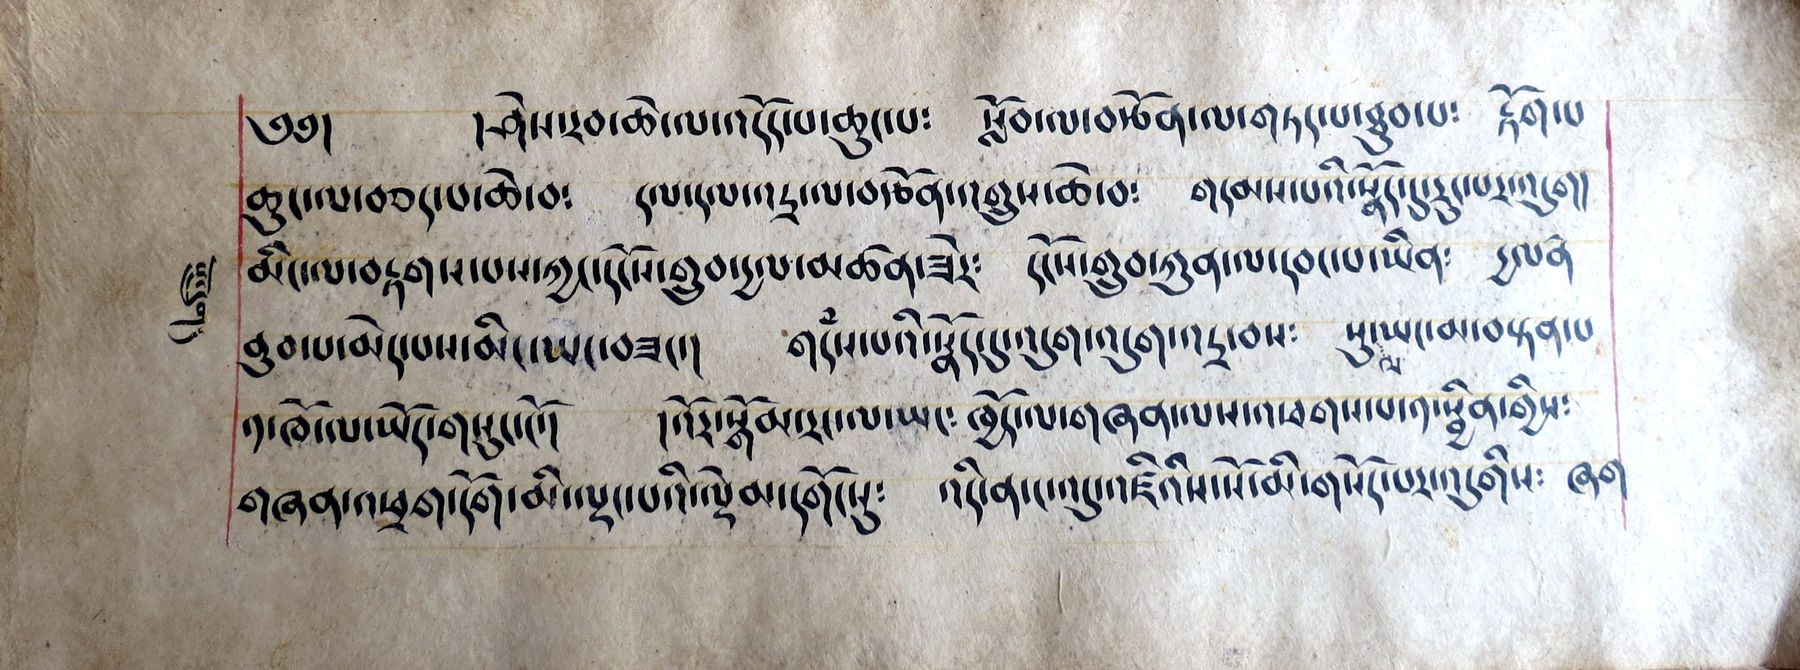ཤེས་རབ་ཆེ་ལ་འདོད་པ་ཆུང་བ། སློབ་ལ་བརྩོན་ལ་གཏད་པ་ཐུབ་པ། རྟོག་པ་
ཆུང་ལ་དཔྱད་པ་ཆེ་བ། དལ་དལ་འདྲ་ལ་བརྩོན་འགྲུས་ཆེ་བ། གདམས་པའི་སྣོད་དུ་རུང་པར་འདུག 
མིང་ལ་བརྟགས་པས་ཀྱང་དངོས་གྲུབ་རྒྱལ་མཚན་ཟེར། དངོས་གྲུབ་ཀུན་ལ་དབང་བ་ཡིན། རྒྱལ་མཚན་
ནུབ་པ་མེད་པས་མིང་ཡང་བཟང་། གདམས་པའི་སྣོད་དུ་འདུག་འདུག་འདྲ། སུ་ལ་ཡང་མ་བསྟན་པ་
ཞིག་ཁོ་ལ་ཡོད་གསུང་ངོ་། །འོར་སྒོམ་རང་ལ་ཡང་། ཁྱོད་ལ་གཞན་ལས་ཁྱད་པར་འཕགས་པ་ཞིག་སྦྱིན་གྱི། 
གཞན་ཕྲག་དོག་མི་ལྡང་པའི་ལྡེམ་དགོངས་སུ། འདི་ན་ང་འདུ་འཛིས་སོ་མི་བསོད་པར་འདུག་གིས། ཞག་